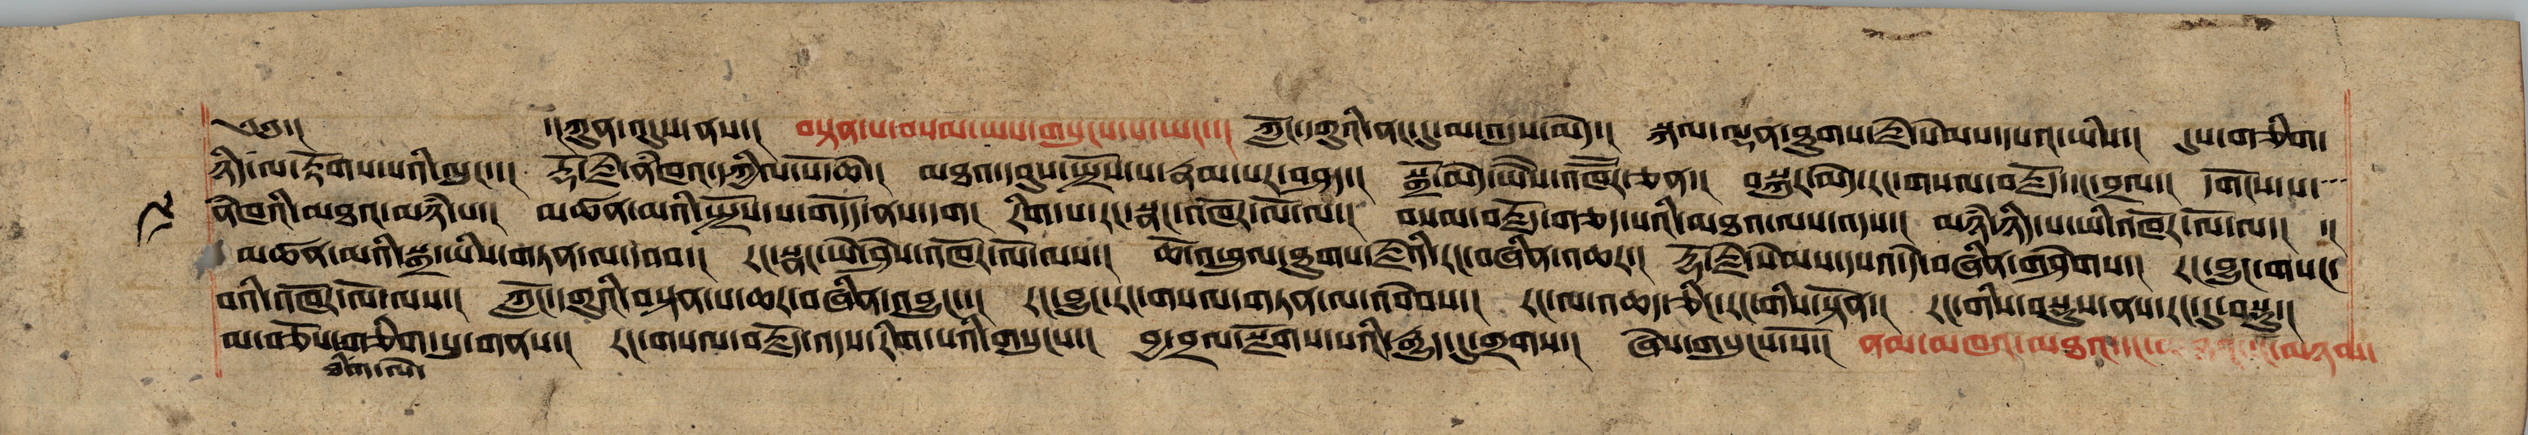༄༅་། ་།ཀུན་འདུས་ནས་། བསྟན་པ་བསམ་ཡས་གསུངས་པ་ཡང་་། ཀློང་དགུའི་ནང་དུ་མ་འདུས་མེད་། སྐལ་ལྡན་ཐུགས་རྗེ་སེམས་དཔའ་ཡིས་། དུས་གཅིག་
ཉིད་ལ་རྟོགས་པའི་ལུང་་། རྡོ་རྗེ་ནཾཁའ་དཀྱིལ་པོ་ཆེ་། མཐའ་དབུས་སྤྲོས་པ་རྣམ་པར་བཤད་། སྒྲོ་མེད་ཡེཻས་འཁཽཽར་ཅན་། བསྐུར་མེད་རང་གསལ་བརྗོད་དང་བྲལ་། དགོངས་པ་
ནཾཁའི་མཐའ་མཉཾ་པ་། མཚན་མའི་སྤྲོས་པ་གདོད་ནས་དག། རིག་པ་རང་སྣང་འཁོར་ལོ་ལ་། བསམ་བརྗོད་གཅད་པའི་མཐའ་ལས་འདས་། མཉཾ་ཉིད་པ་ཡི་འཁོར་ལོ་ལ་། ་།
མཚན་མའི་སྒྲ་ཡིས་གཏན་ལ་དབབ་། རང་སྣང་ཡེ་ཤེས་འཁོར་ལོ་ལས་། ཆོ་འཕྲུལ་ཐུགས་རྗེའི་རང་བཞིན་འཆར་། རྡོ་རྗེ་སེམས་དཔའ་དེ་བཞིག་གཤེགས་། རང་བྱུང་གསང་
བའི་འཁོར་ལོ་ལས་། ཀློང་དགུའི་བསྟན་པ་ཆར་བཞིན་འབྱུང་་། རང་བྱུང་རང་གསལ་གཏན་ལ་འབེབས་། རང་ལ་འཆད་ཅིང་རང་གིས་སྟོན་། རང་གིས་བསྡུས་ནས་རང་དུ་བསྡུ་།
མ་བཅོས་གཅིག་པུ་གནས་། རང་གསལ་བརྗོད་འདས་རིག་པའི་གསུངས་། བྱ་བྲལ་སྫོགས་པའི་རྒྱུད་དུ་གྲགས་། ཞེས་གསུངས་སོ་། ནམ་མཁའ་མཐའ་དང་ མཉམ་